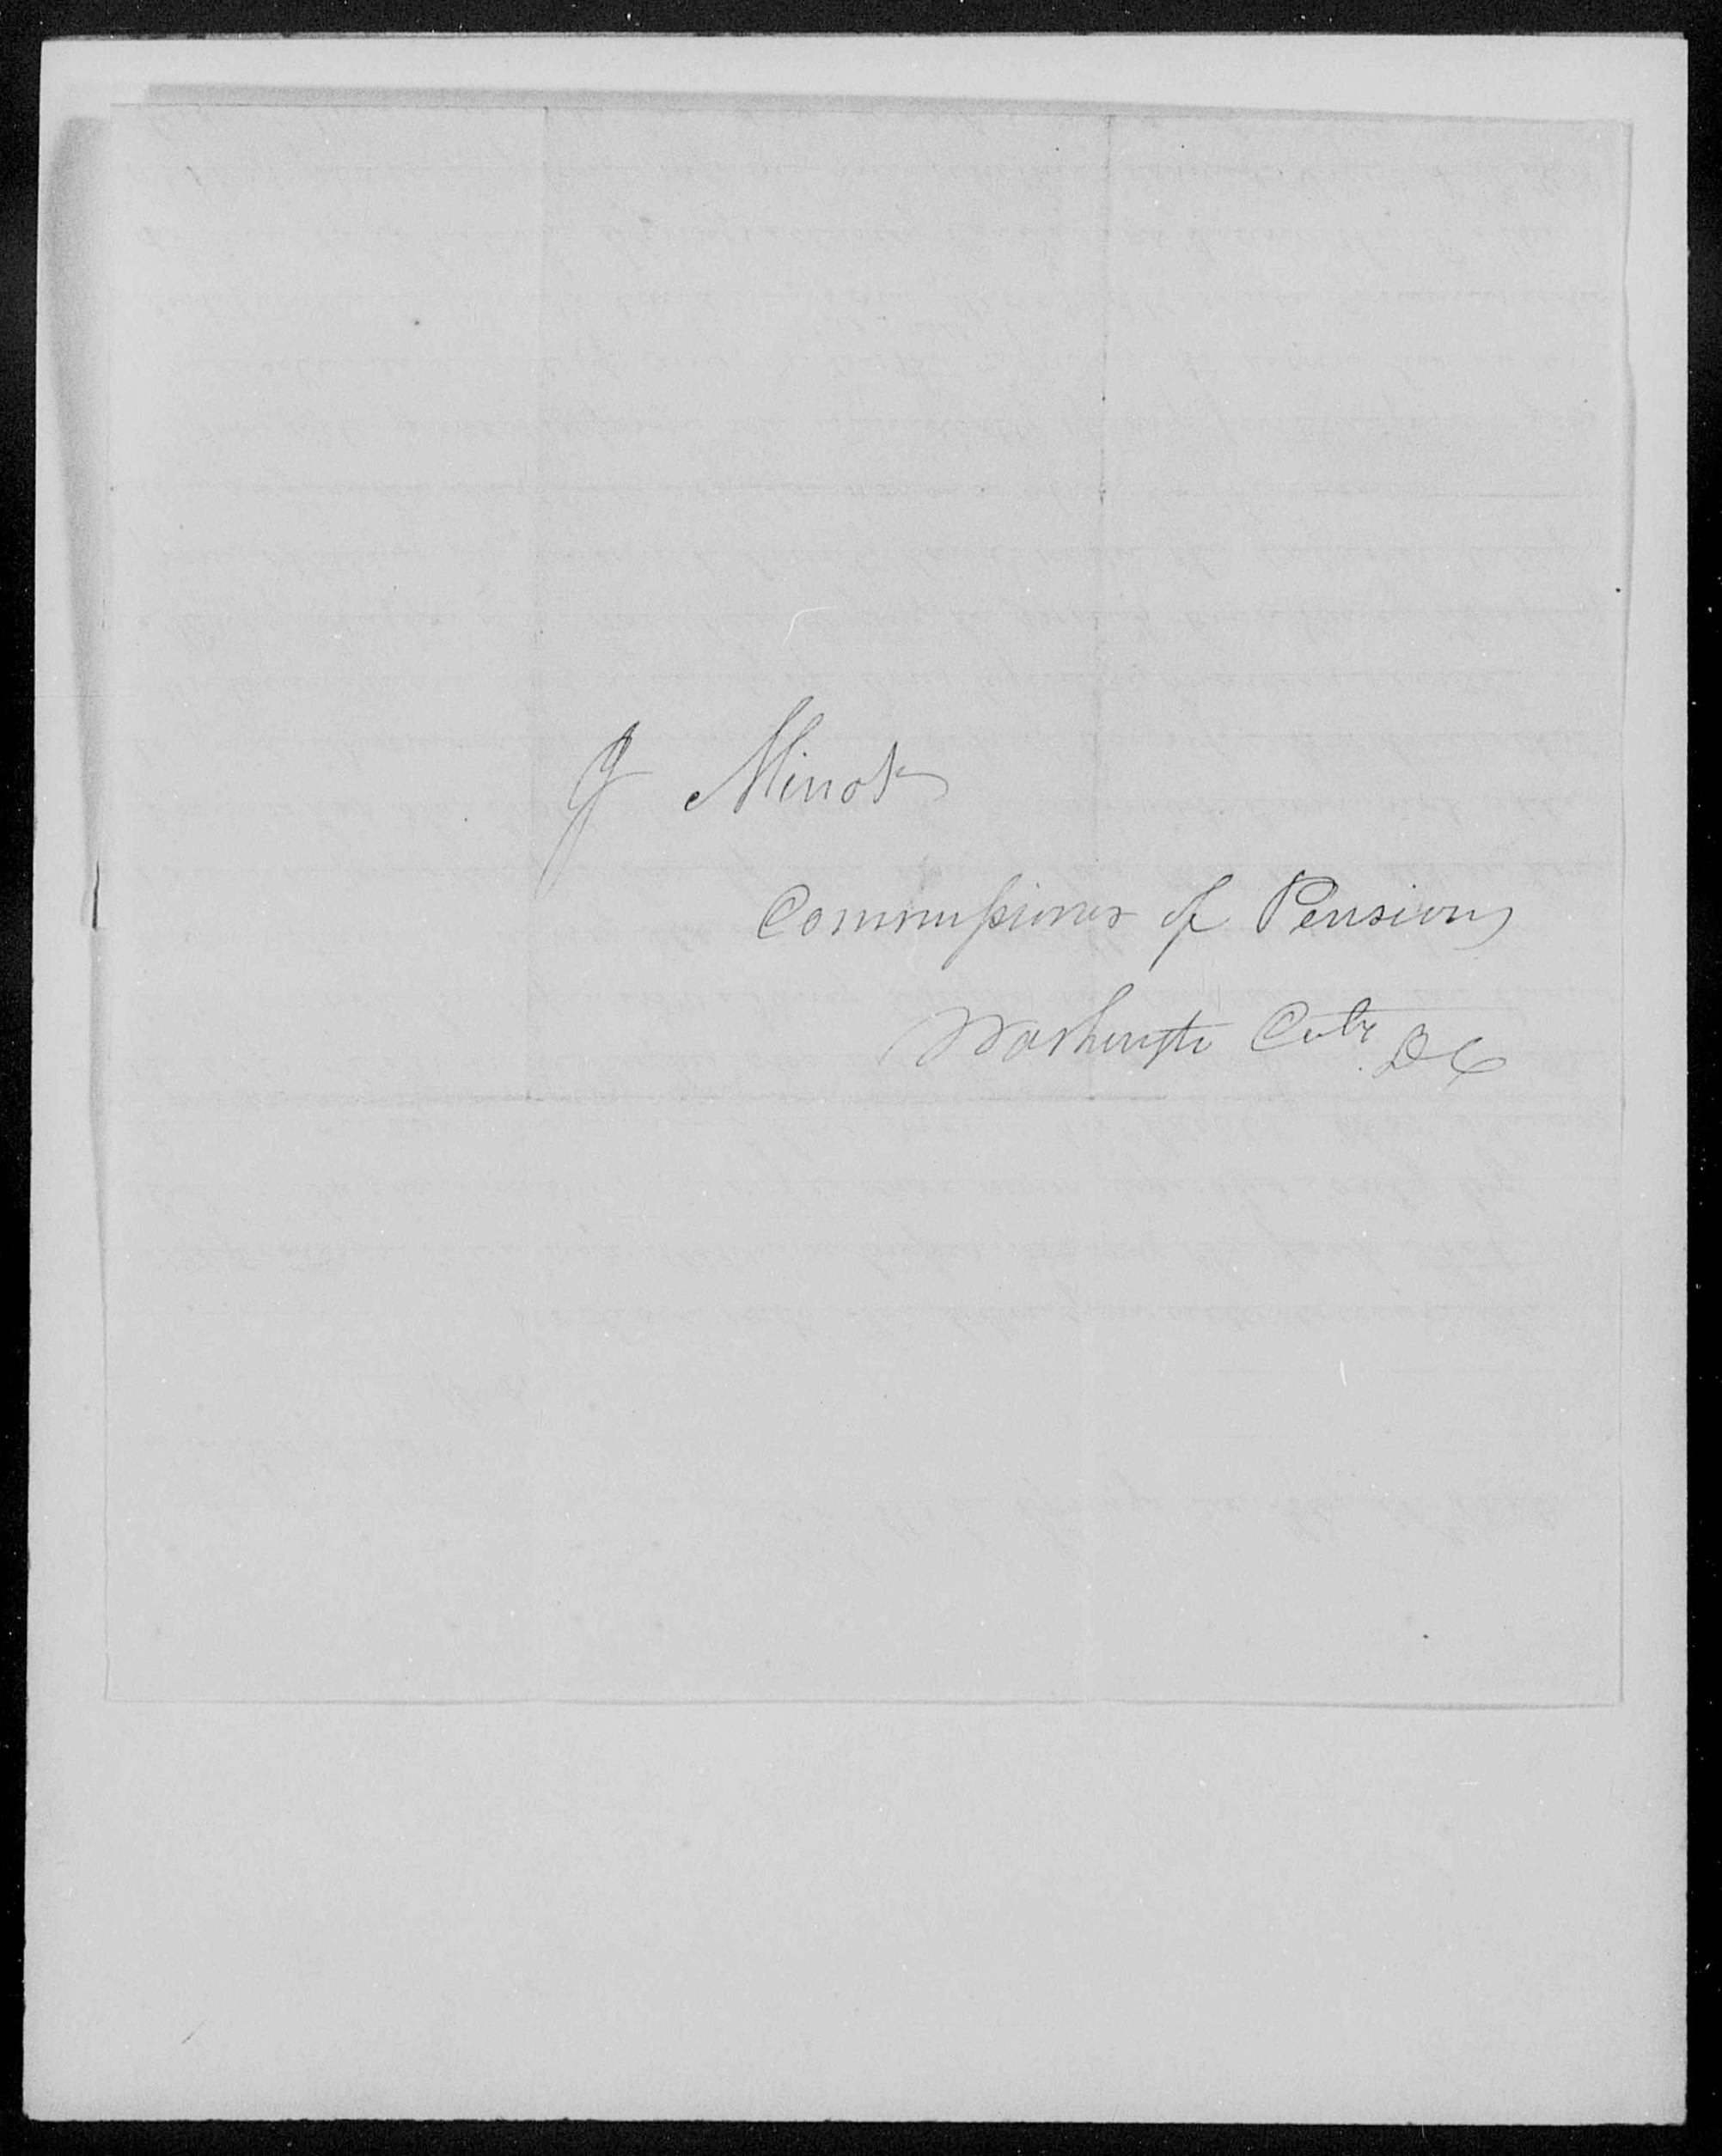J Minor
Commissioner of Pensions
Washington City
DC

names: J Minot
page: 46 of 75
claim: widow's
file: W. 25805, Andrew Hughes, N.C.